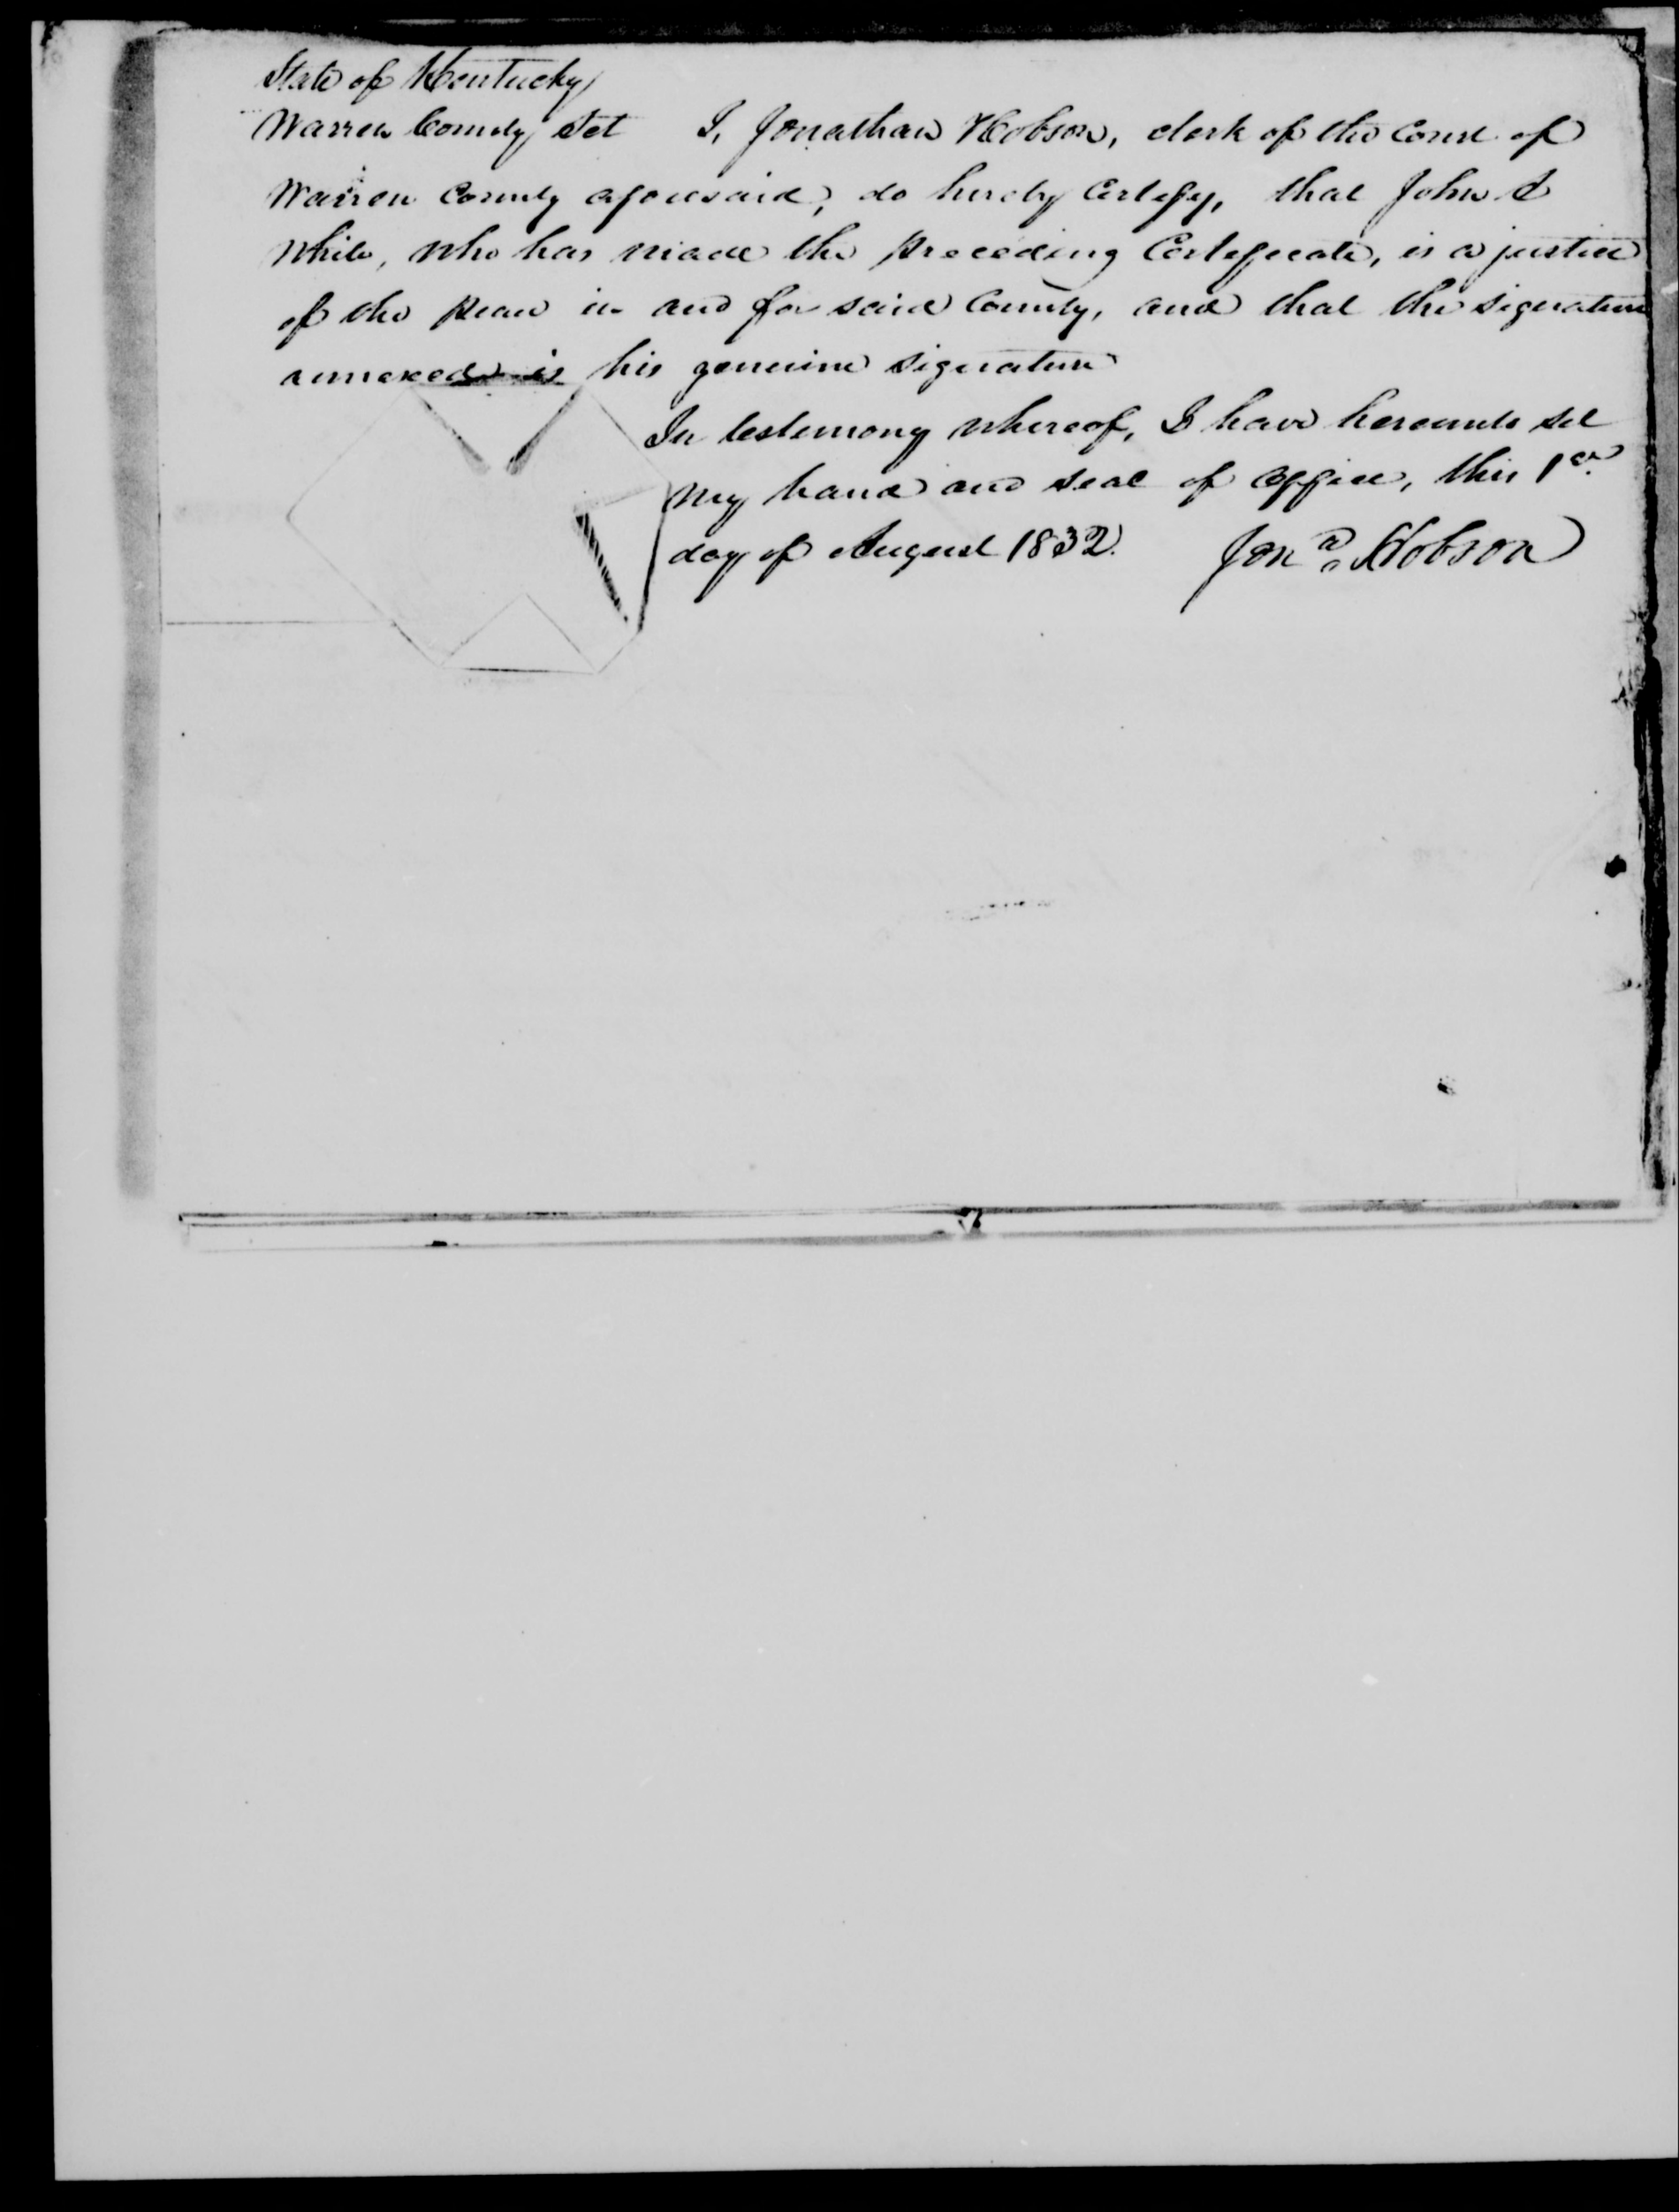State of Kentucky
Warren County Sct
I Jonathan Hobson clerk of the Court of Warren County aforesaid, do hereby certify that John A White, who has made the proceding Certificate, is a justice of the peace in and for said County, and that the signature annexed is his genuine signature
In testimony whereof, I have hereunto set my hand and seal of office, this 1st day of August 1832.
Jona Hobson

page: 82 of 99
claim: widow's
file: W 8766, for James Stevens, Virginia